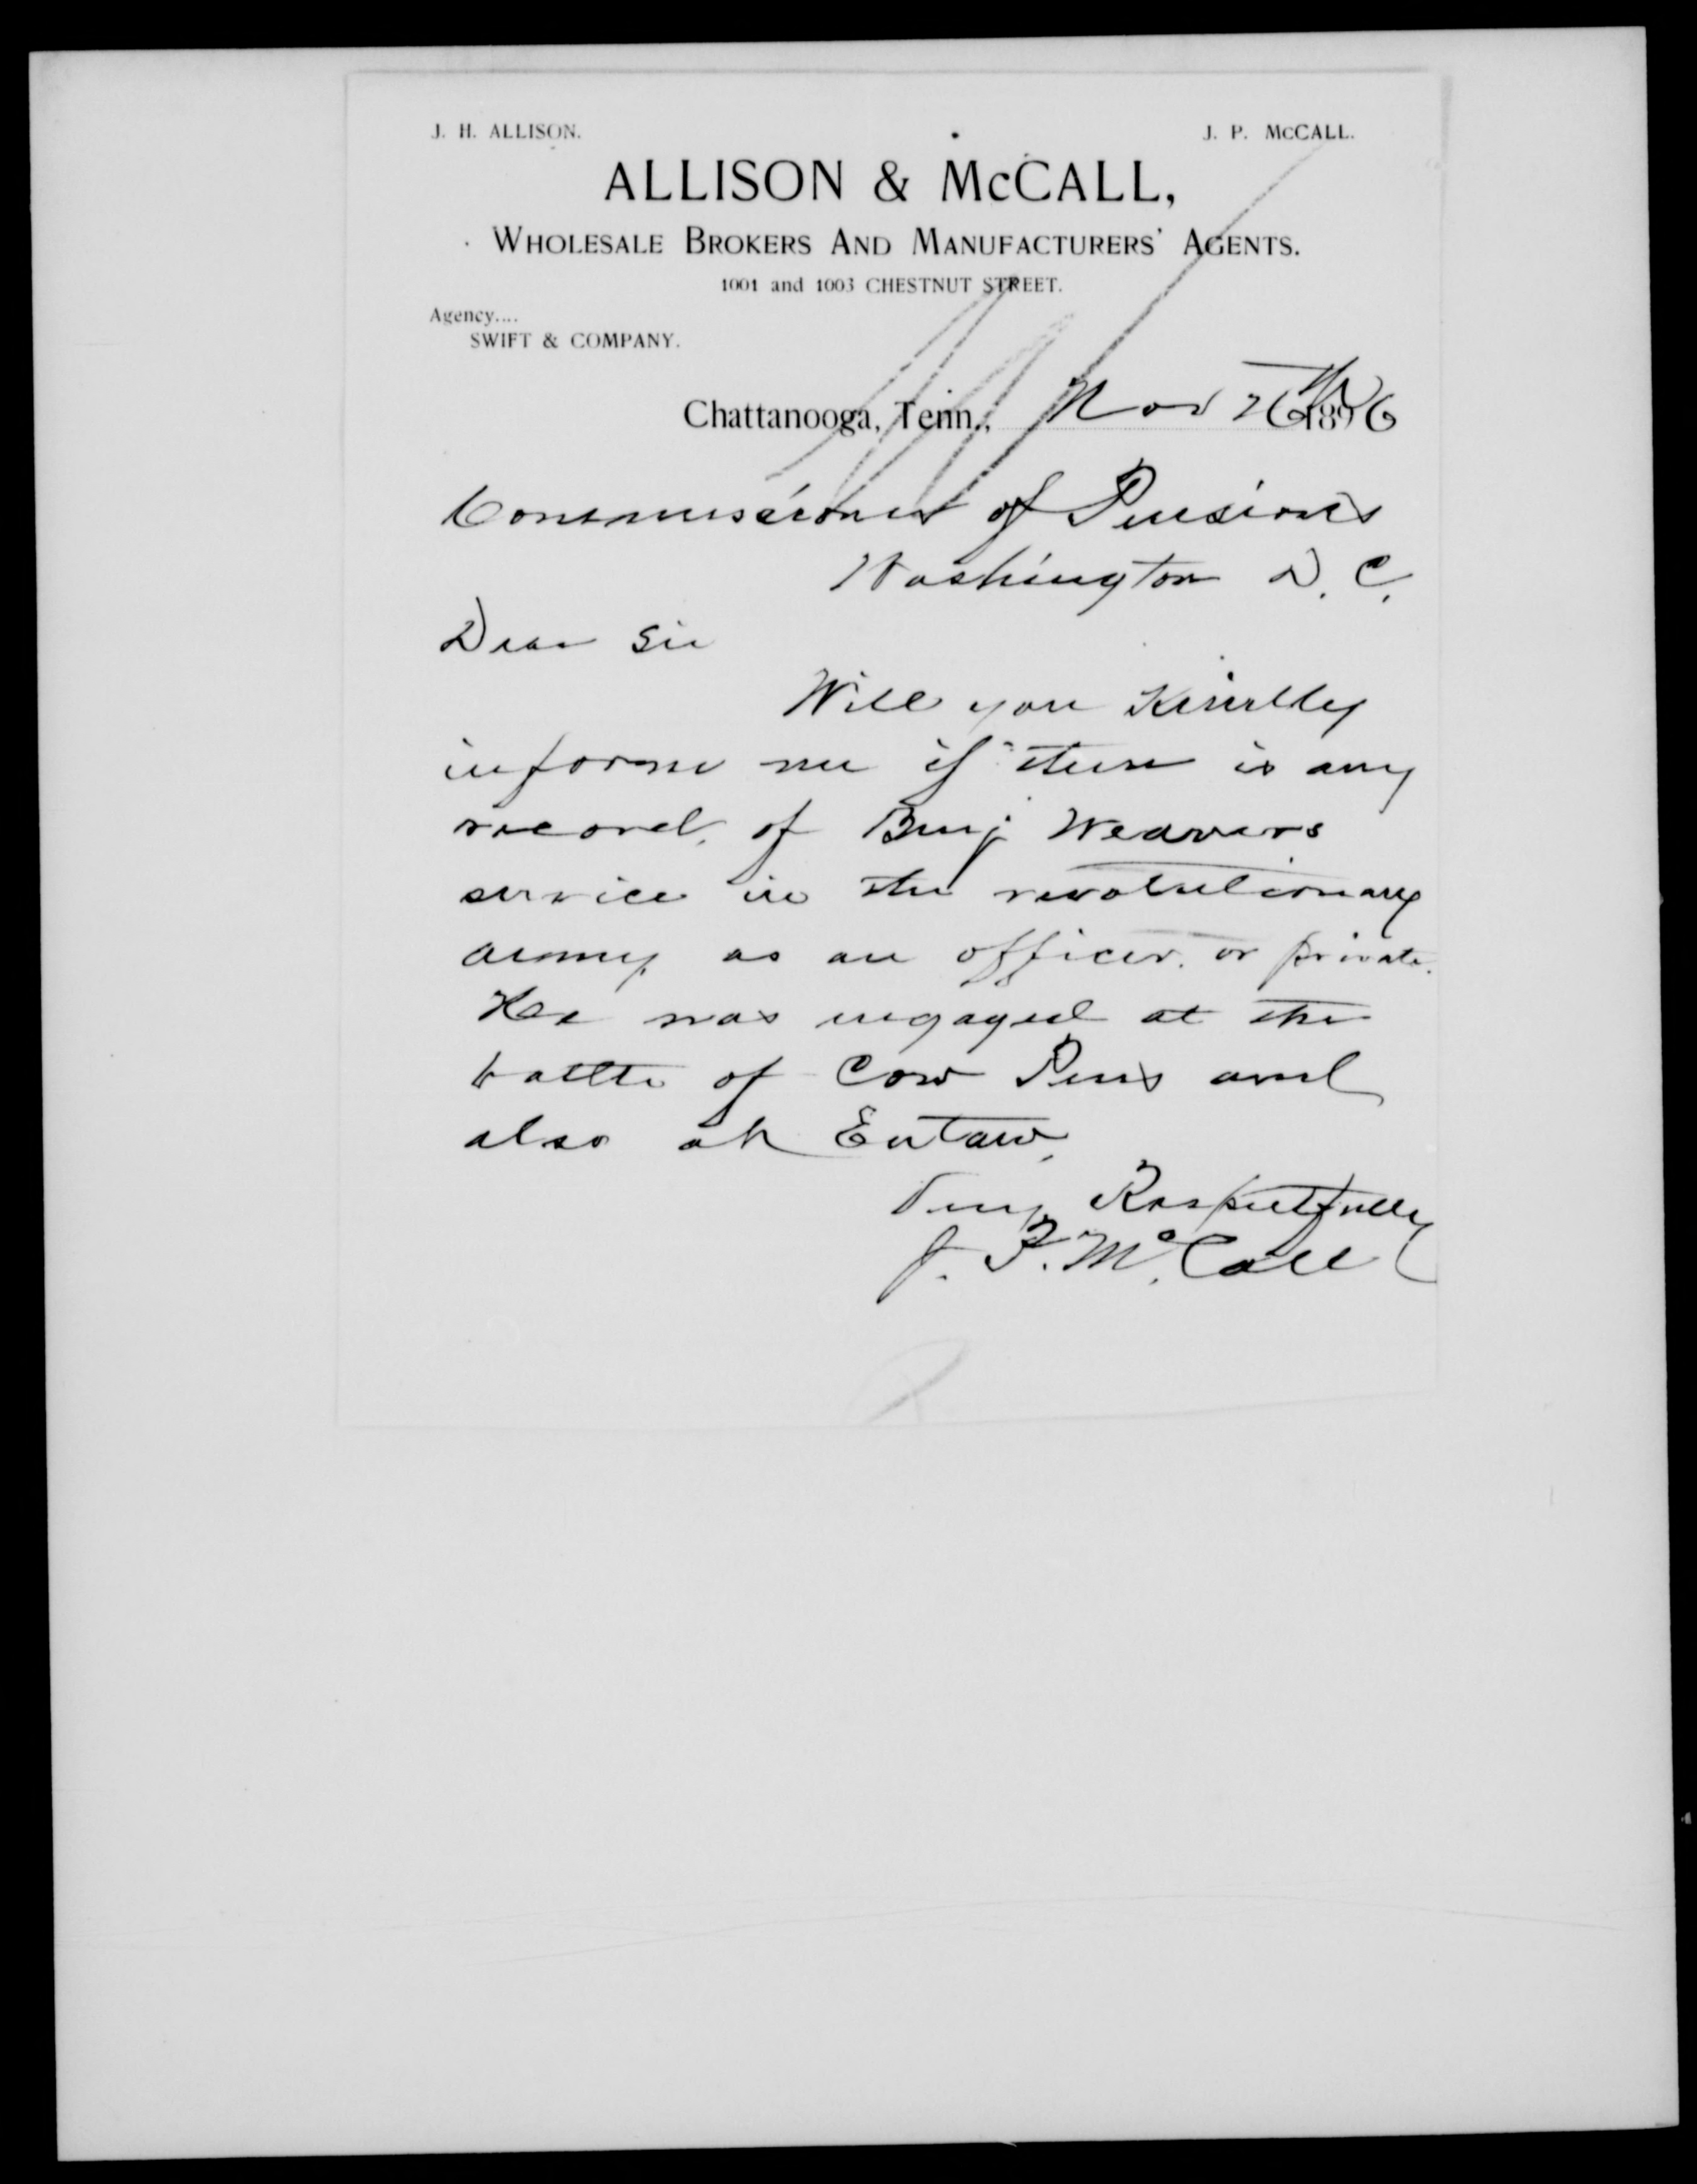J. H. Allison.                     J. P.  McCall.

ALLISON & MCCALL,
Wholesale Brokers and Manufacutrer’s Agents.
1001 and 1003 Chestnut Street.

Agency…..
Swift & Company.

Chattanooga, Tenn., Nov 26th 1896

Commissioner of Pensions
Washington D. C.

Dear Sir

Will you kindly inform me if there is any second of Benj Weaver service in the revolutionary army as an officer or private.
—— was engaged at the battle of Cow Pens and also at Eutaw.

Very Respectfully
J. P. McCall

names: J P Mc Call, J H Allison, Benj Weaver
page: 51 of 53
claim: widow's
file: W 17707, Benjamin Weaver, R.I.